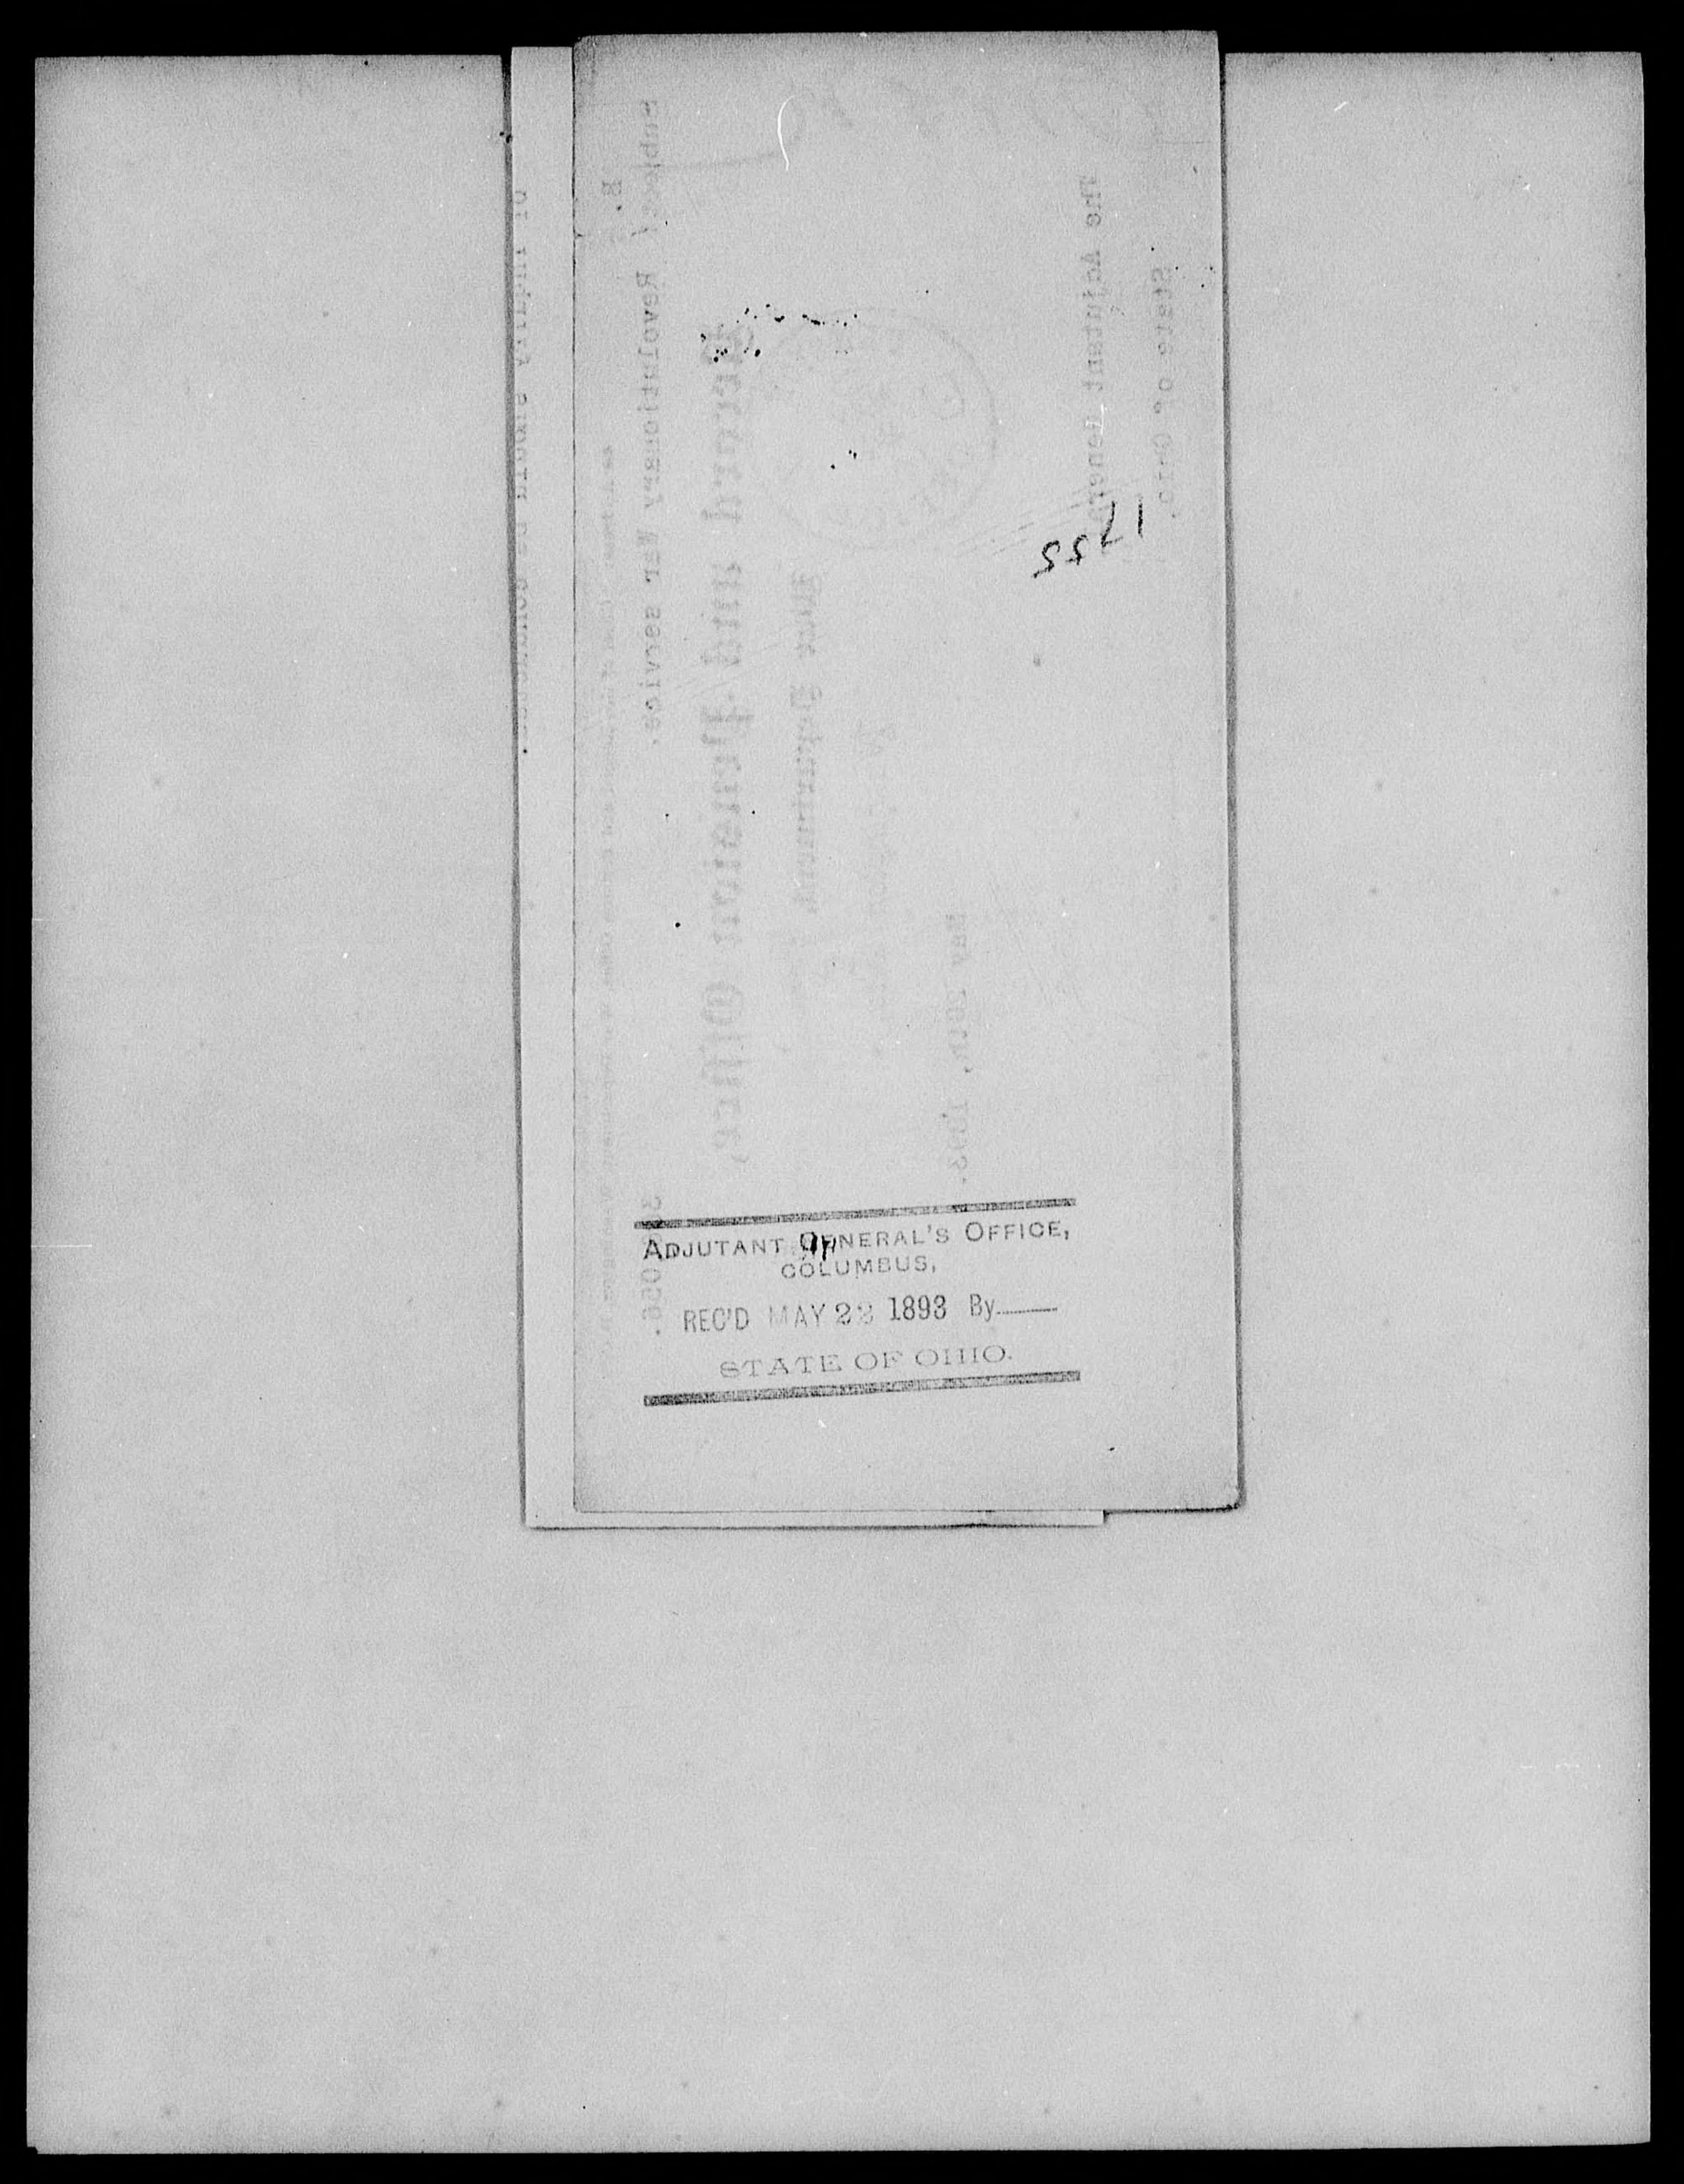[inverted characters, pencil]
1755

[stamp]
ADJUTANT GENERAL'S OFFICE,
COLUMBUS,

REC'D MAY 22 1893 By [blank]
STATE OF OHIO.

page: 35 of 39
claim: survivor's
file: S. 2812, for David Mc Kinley, Pennsylvania